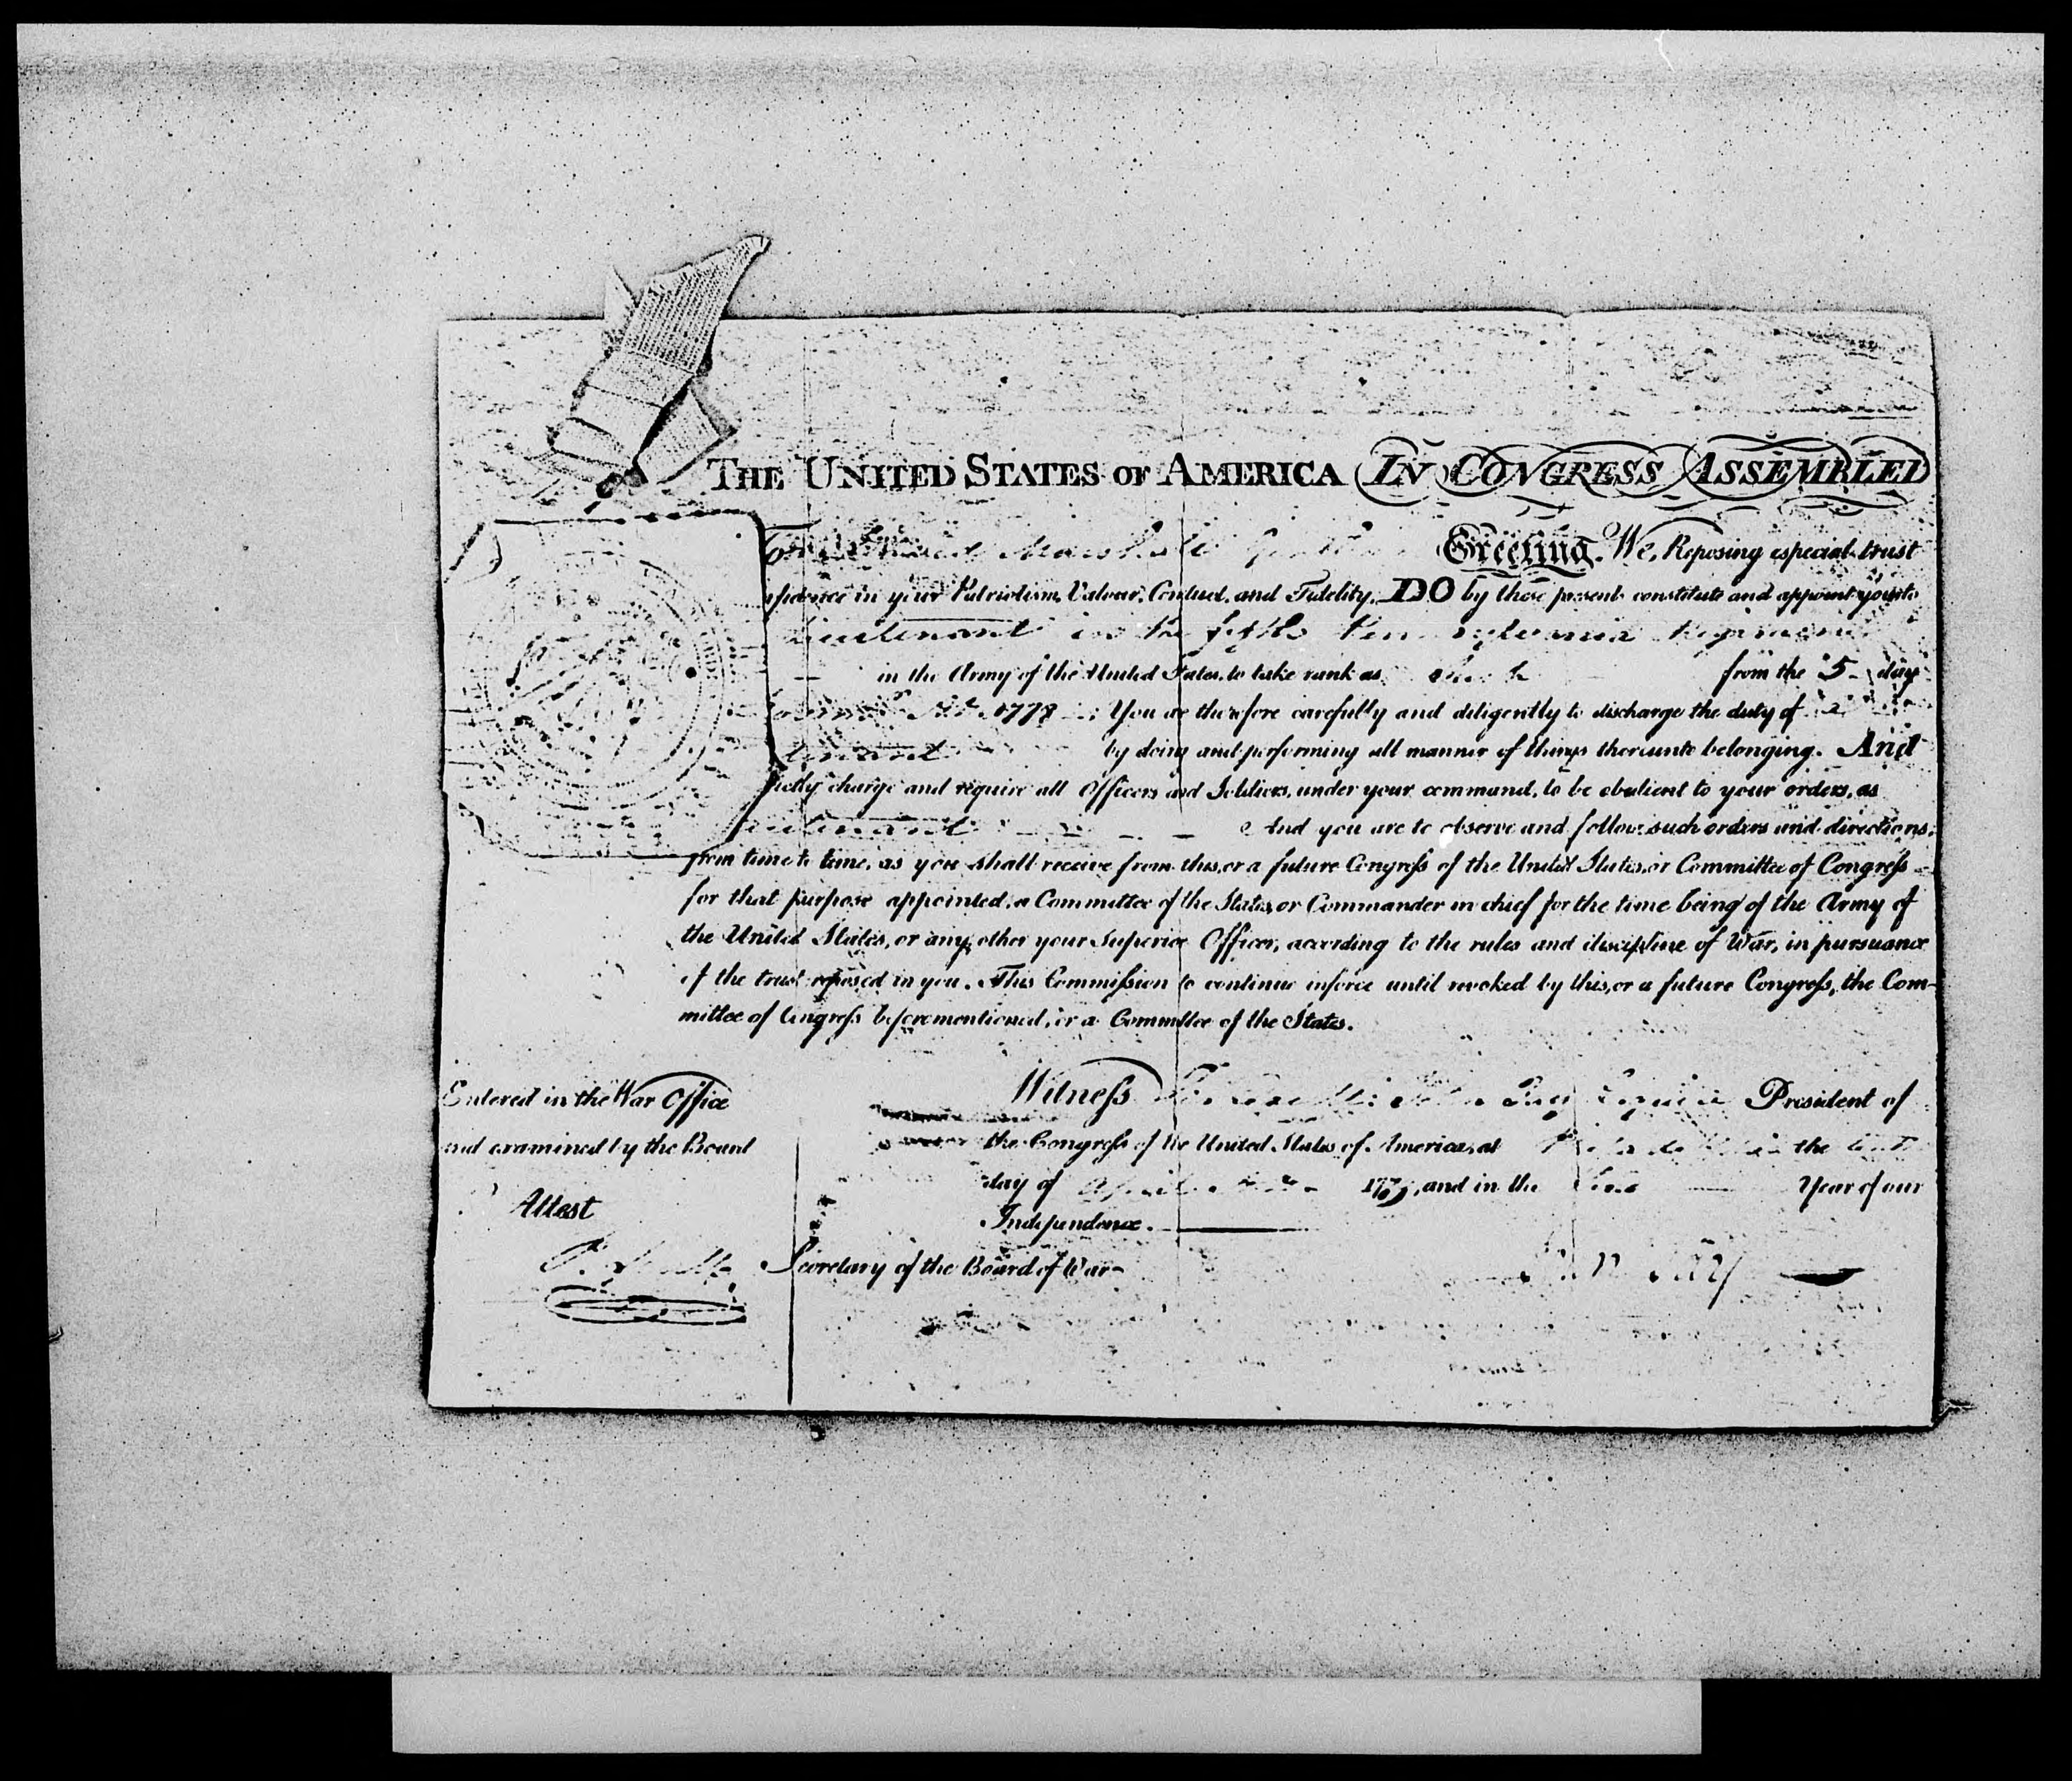(This is a commissioning warrant for David Marshall)


United States of America in Congress Assembly
To David Marshall
Greeting. We, reposing special trust and confidence in your Patriotism, Valor, Courage and Fidelity Do by these presents constitute and appoint you a Lieutenant in the fifth Pennsylvania Regiment in the Army of the United States to take rank as (unintelligible) from the 5 day of March A.D> 1779. You will therefore carefully and diligently discharge the duty of the office to which appointed by doing and performing all manner of things thereunto belonging. And (Words blocked by seal) strictly charge and require all officers and soldiers under your command to be obedient to your order, as (words blocked) And you are to observe and follow such orders and directions from time to time as you shale receive from this or a future Congress of the United States Committee of Congress for that purposes appointed in Committee of the States of Commander in Chief for the time being of the Army of the United States, or any other of your superior officers, according to the rules and discipline of War, in pursuance of the trust placed in you.  This Commission to continue in force until revoked by this or a future Congress, the Committee of Congress before mentioned of a Committee of the States

Witness (unintelligible) Esquire President of the Conress of the United States of America (unintelligible) day of April A.D. 1773 and in the year (??) year of our independence.

Secretary of the Board of War





Entered in the War office
and examined by the Board

 Allest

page: 22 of 86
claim: widow's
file: W. 3571, for David Marshall, Pennsylvania